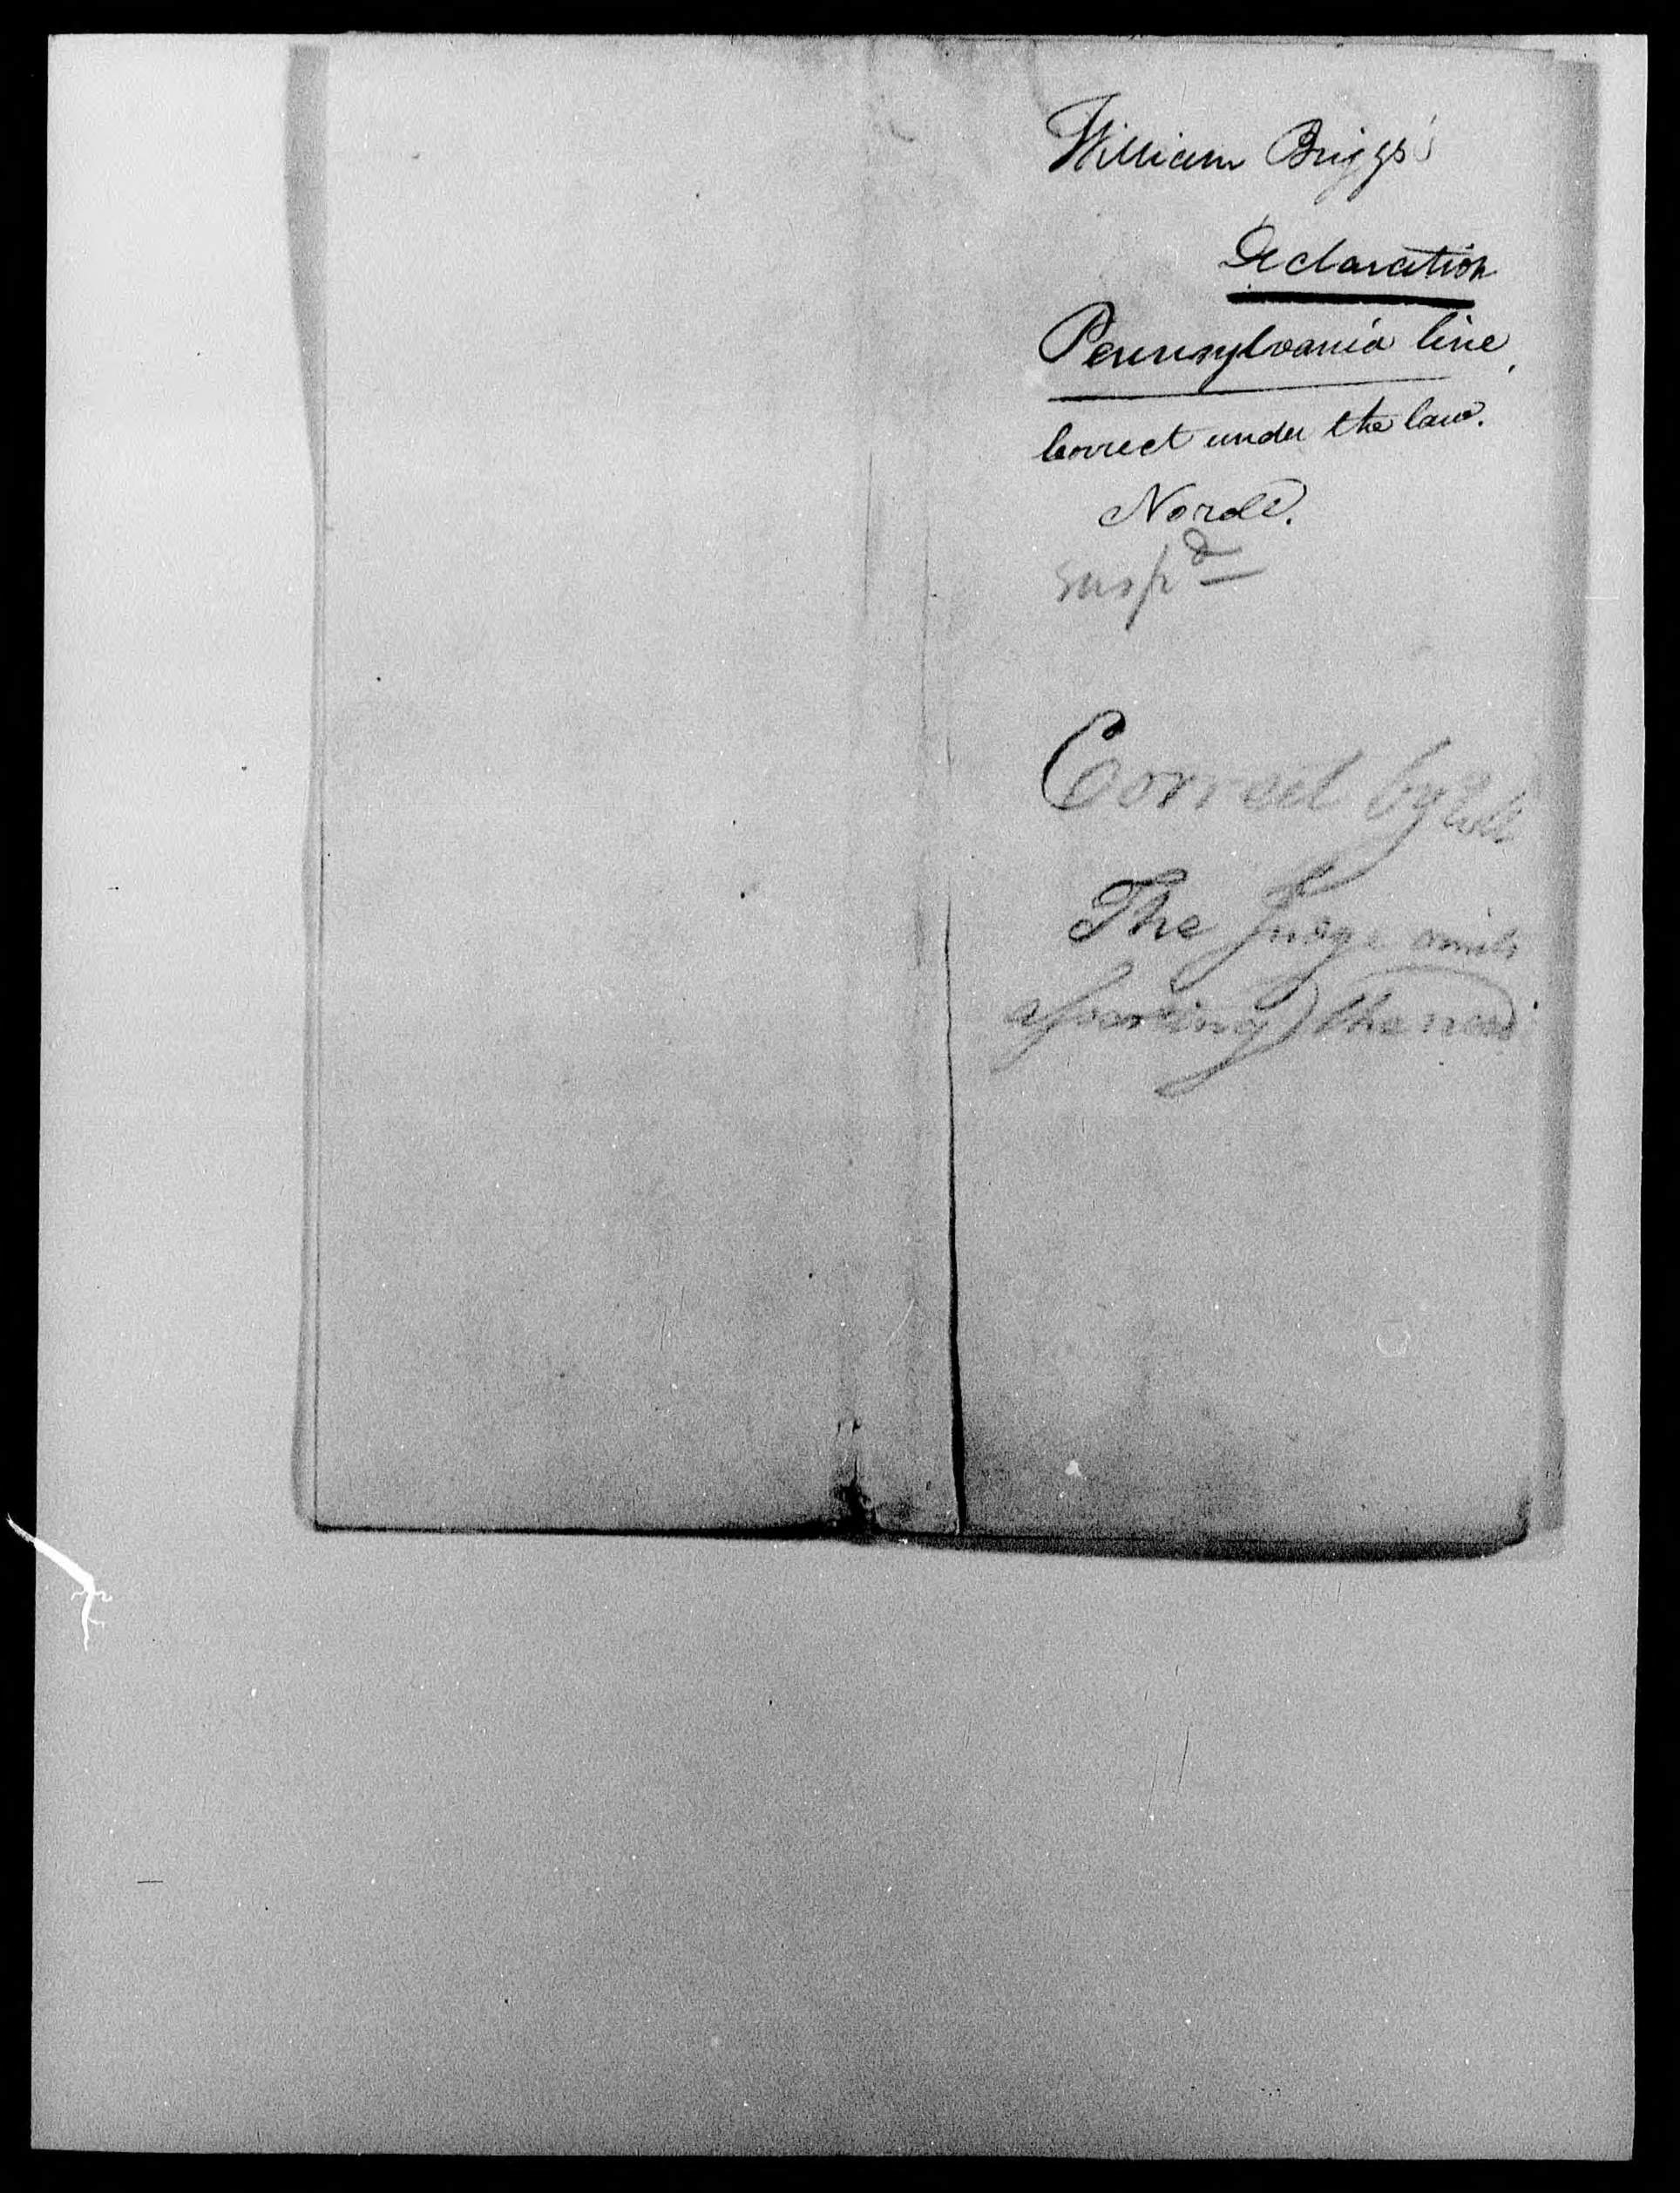William Briggs

Declaration

Pennsylvania Line

Correct under the law.
Norde.

Susp'd.

Correct by Law

The Judge admits afore stating the need.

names: William Briggs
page: 5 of 9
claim: survivor's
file: S. 34,076, William Briggs, Penn.